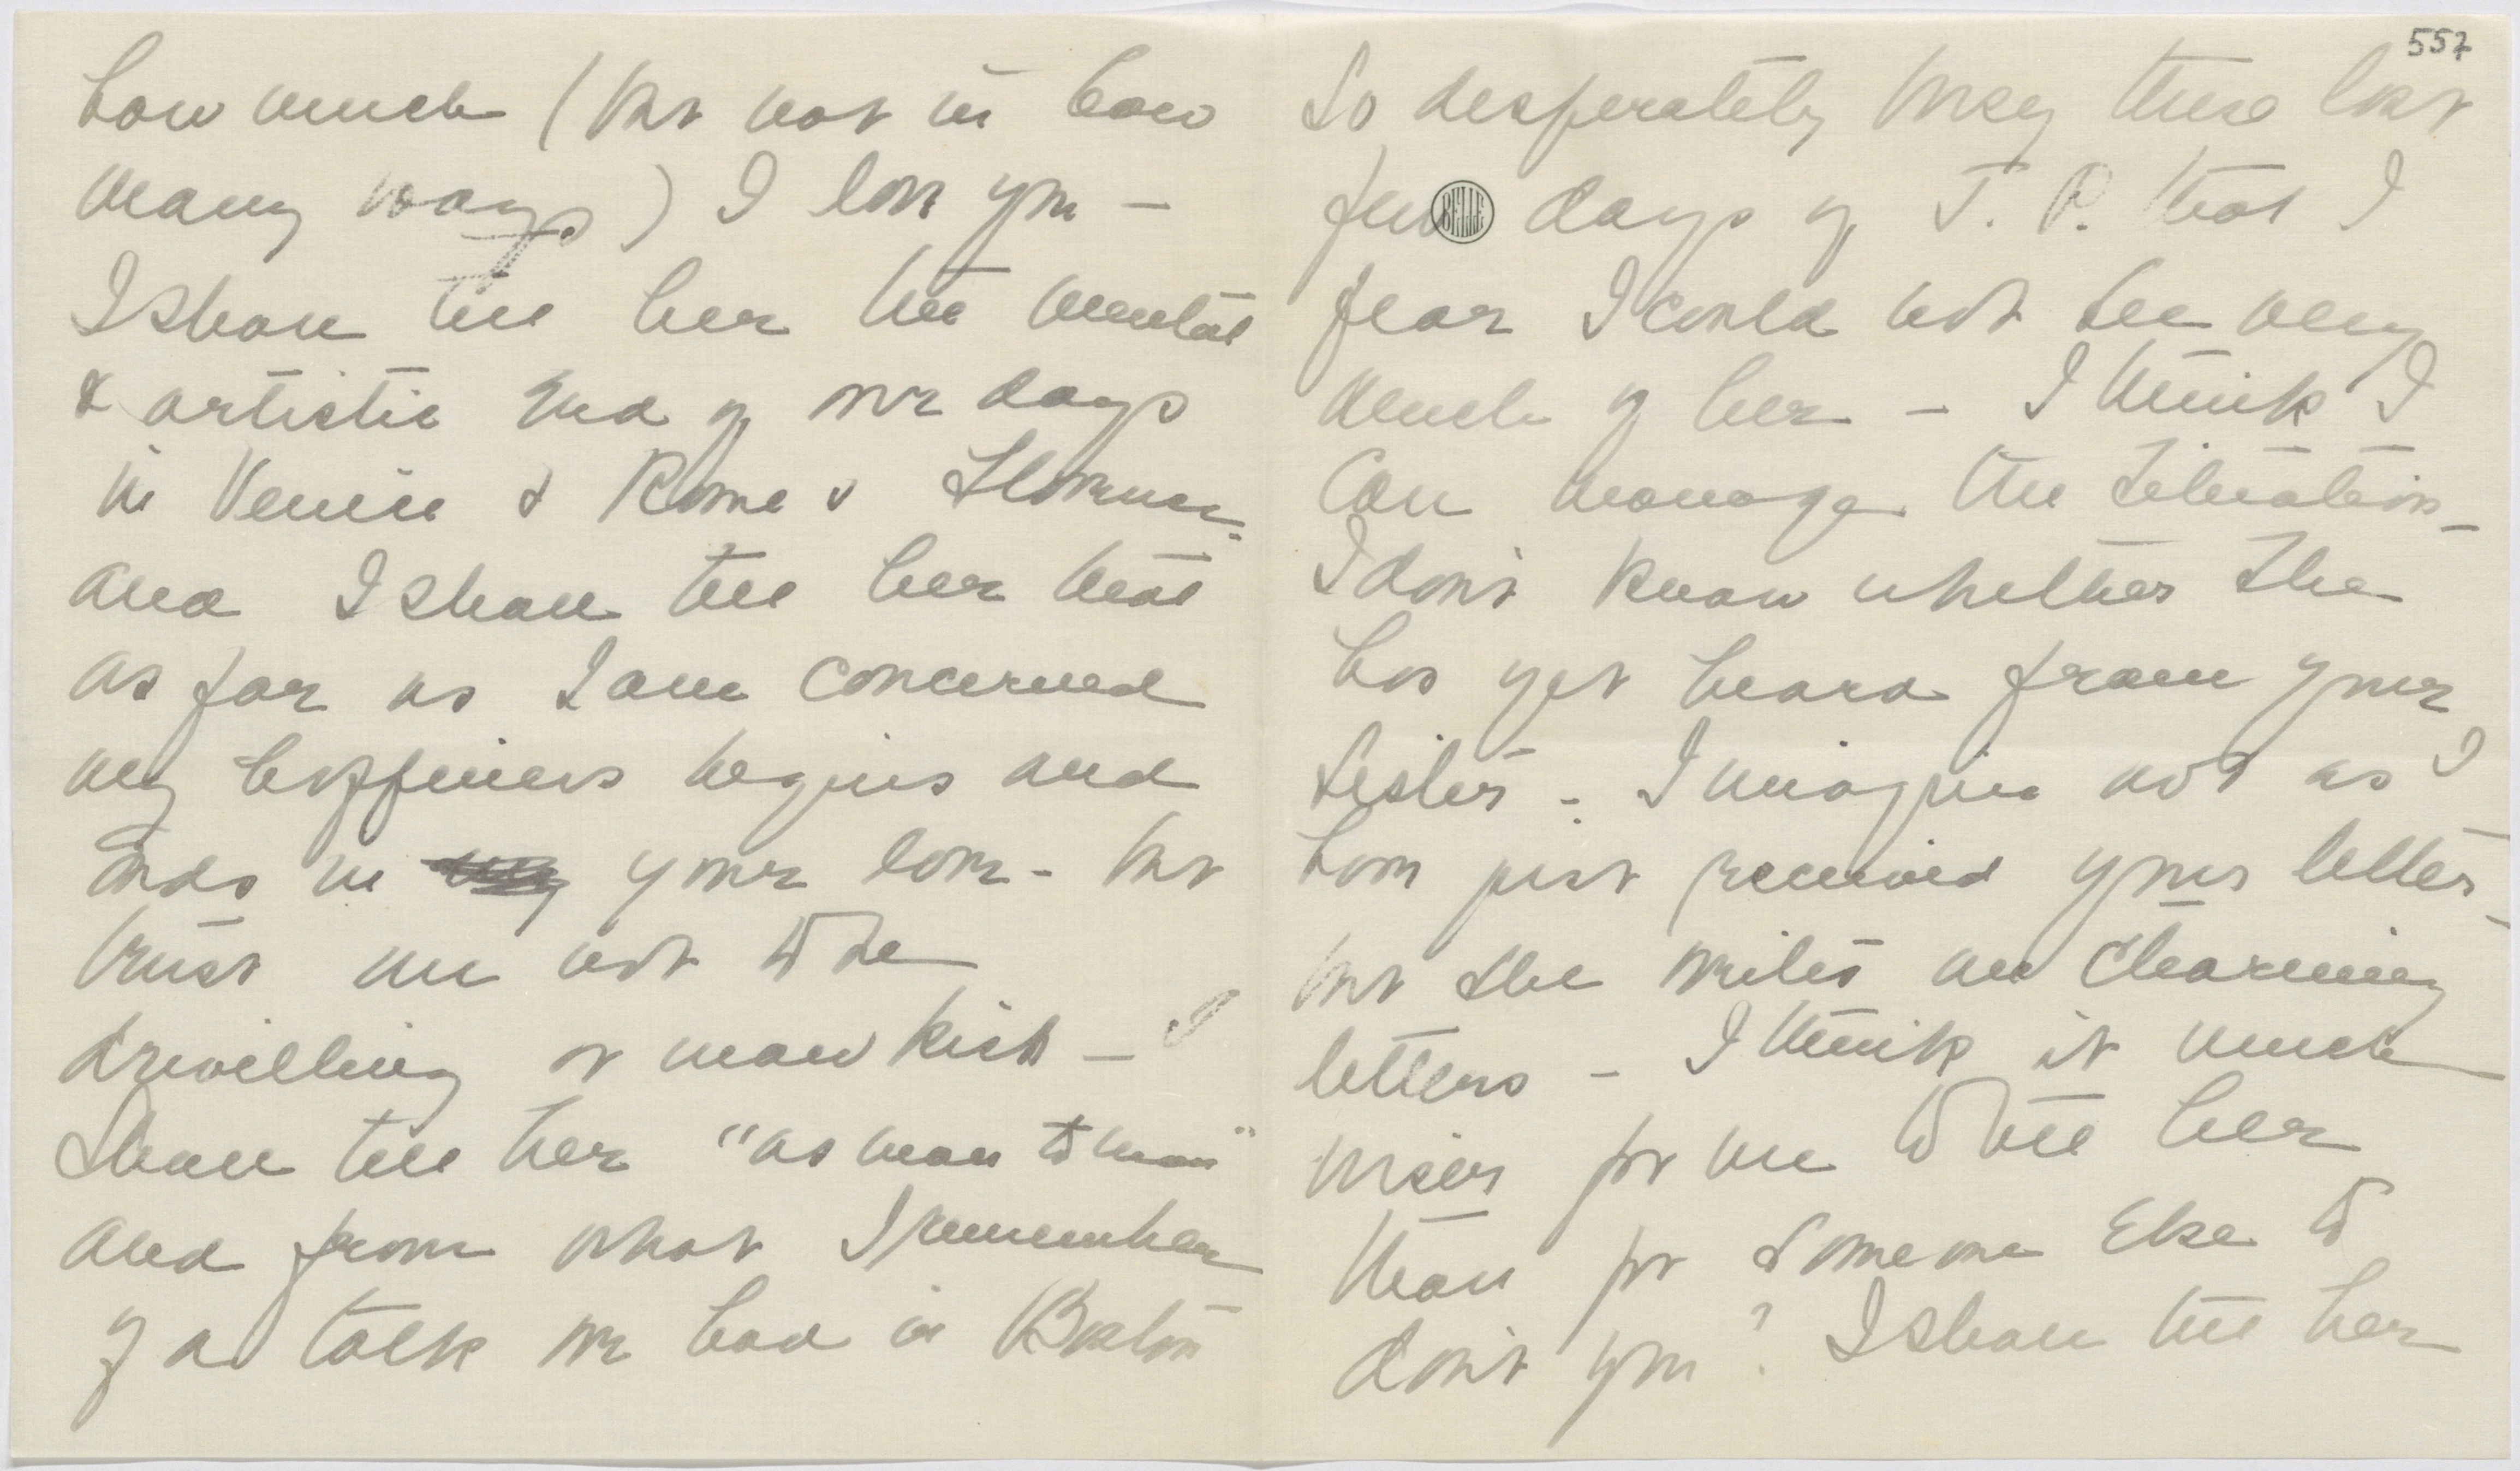so desperately busy these last few days of J. P. that I fear I could not see very much of her – I think I can manage the situation – I don’t know whether she has yet heard from your sister – I imagine not as I have just received your letter – but she writes me charming letters – I think it much wiser for me to tell her than for someone else to don’t you? I shall tell her
how much (but not in how many ways) I love you – I shall tell her the mental & artistic end of our days in Venice & Rome & Florence and I shall tell her that as far as I am concerned my happiness begins and ends in my your love – but trust me not to be drivelling or mawkish – I shall tell her “as man to man” and from what I remember of a talk we had in Boston